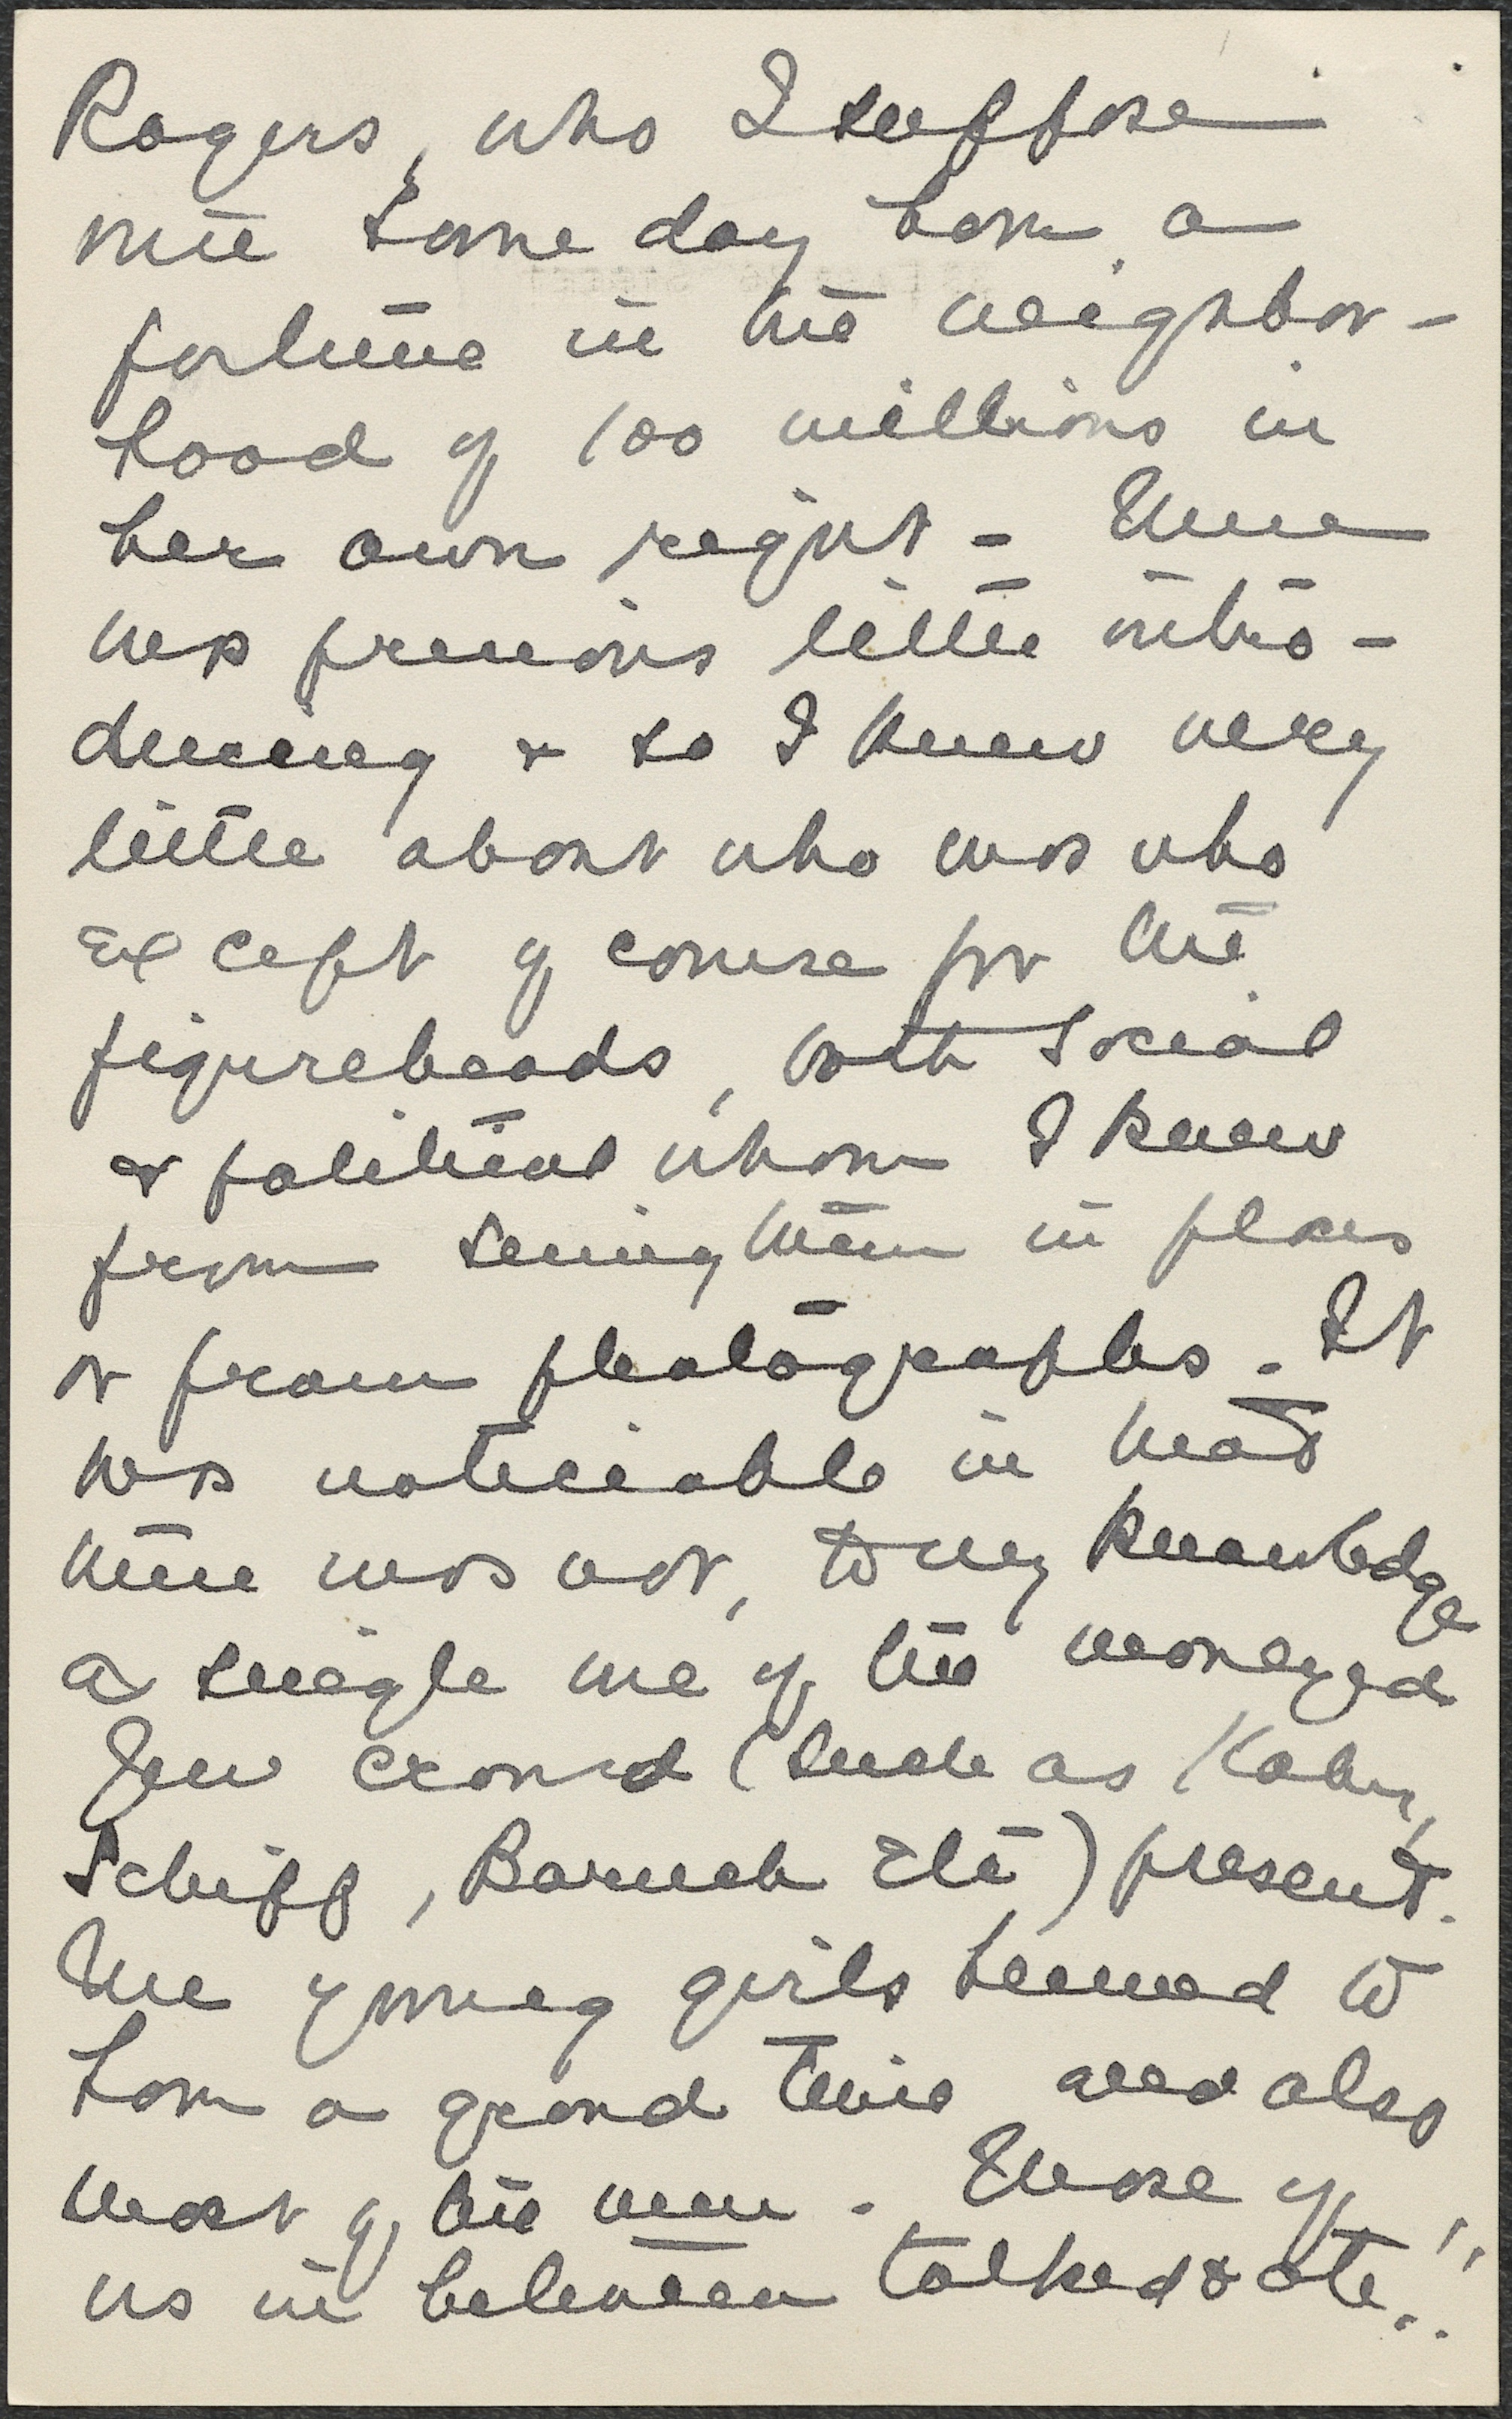Rogers, who I suppose will some day have a fortune in the neighborhood of 100 millions in her own right – There was precious little introducing & so I knew very little about who was who except of course for the figureheads, both social and political whom I knew from seeing them in places or from photographs. It was noticeable in that there was not, to my knowledge a single one of the moneyed Jew crowd (such as Kahn, Schiff, Baruch, etc) present. The young girls seemed to have a grand time and also most of the men. Those of us in between talked & ate!!